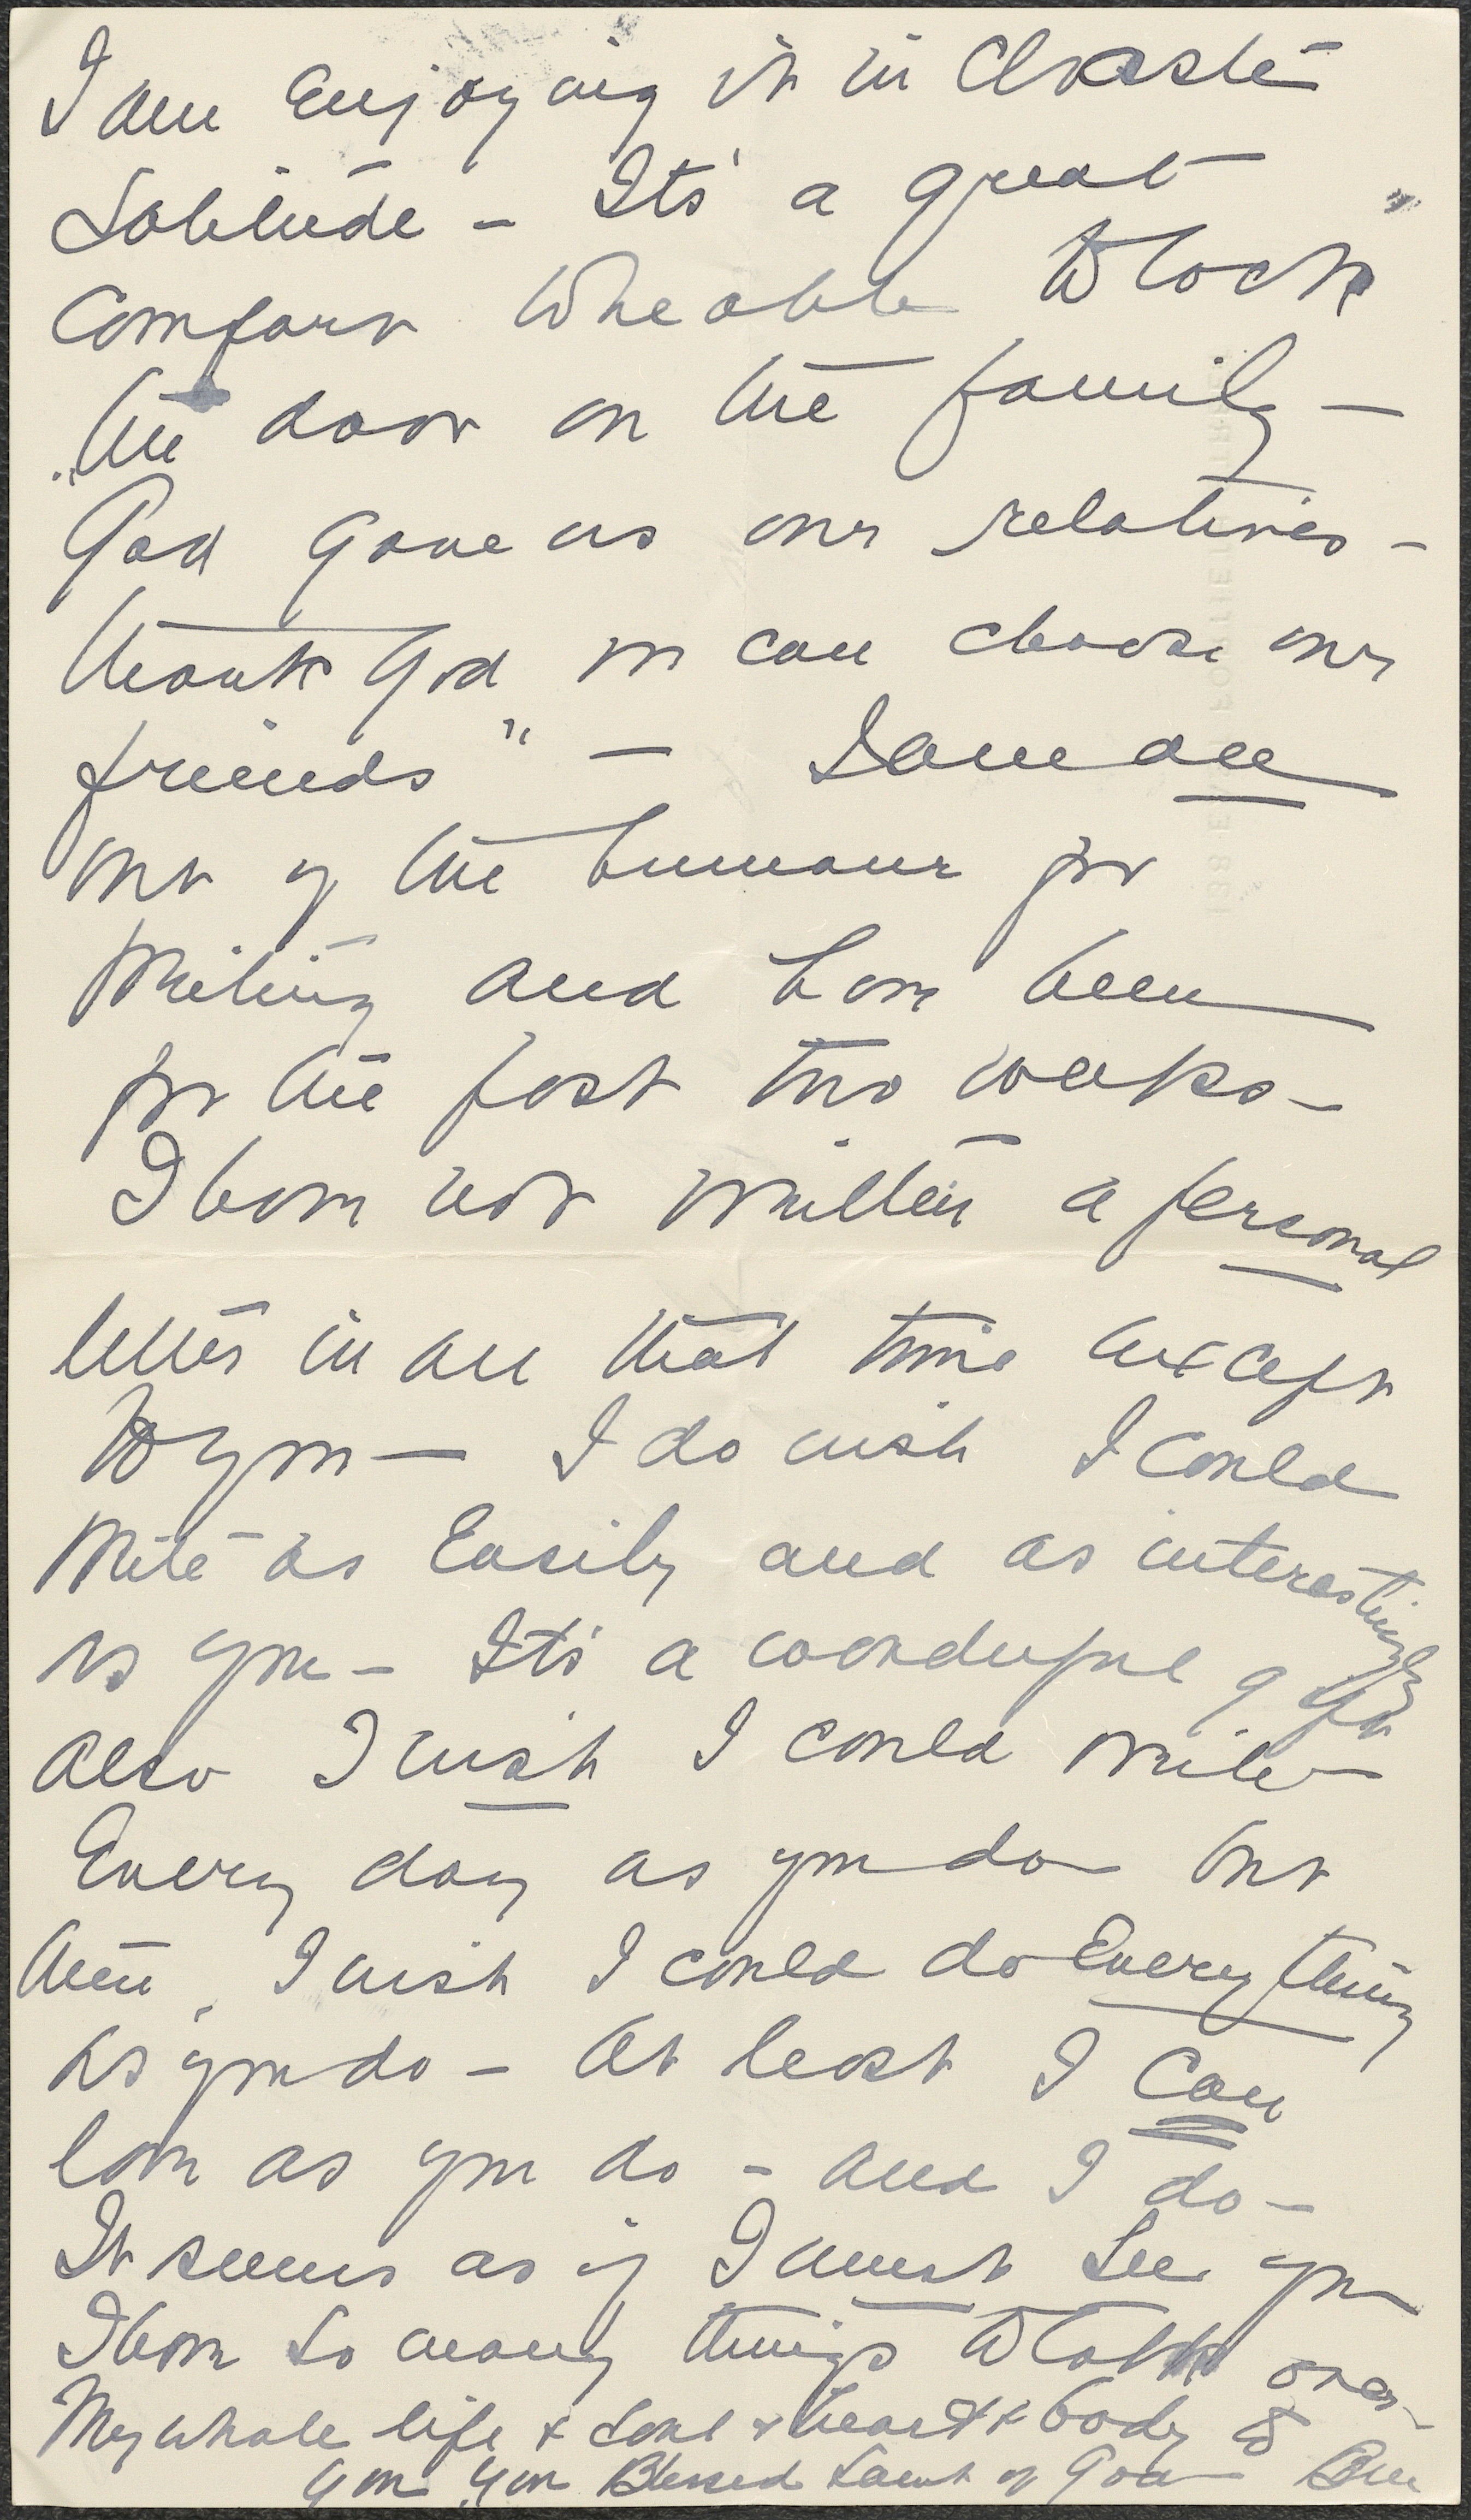I am enjoying it is chaste solitude – It’s a great comfort to be able to lock the door on the family – “God gave us our relations – thank God we can choose our friends” – I am all out of the humour for writing and have been for the past two weeks – I have not written a personal letter in all that time except to you – I do wish I could write as easily and as interestingly as you – It’s a wonderful gift Also I wish I could write every day as you do but then, I wish I could do everything as you do – At least I [double underlined: can] love as you do – and I do – It seems as if I must see you
I have so many things to talk over –
My whole life & soul & heart & body to you, you Blessed Lamb of God Belle